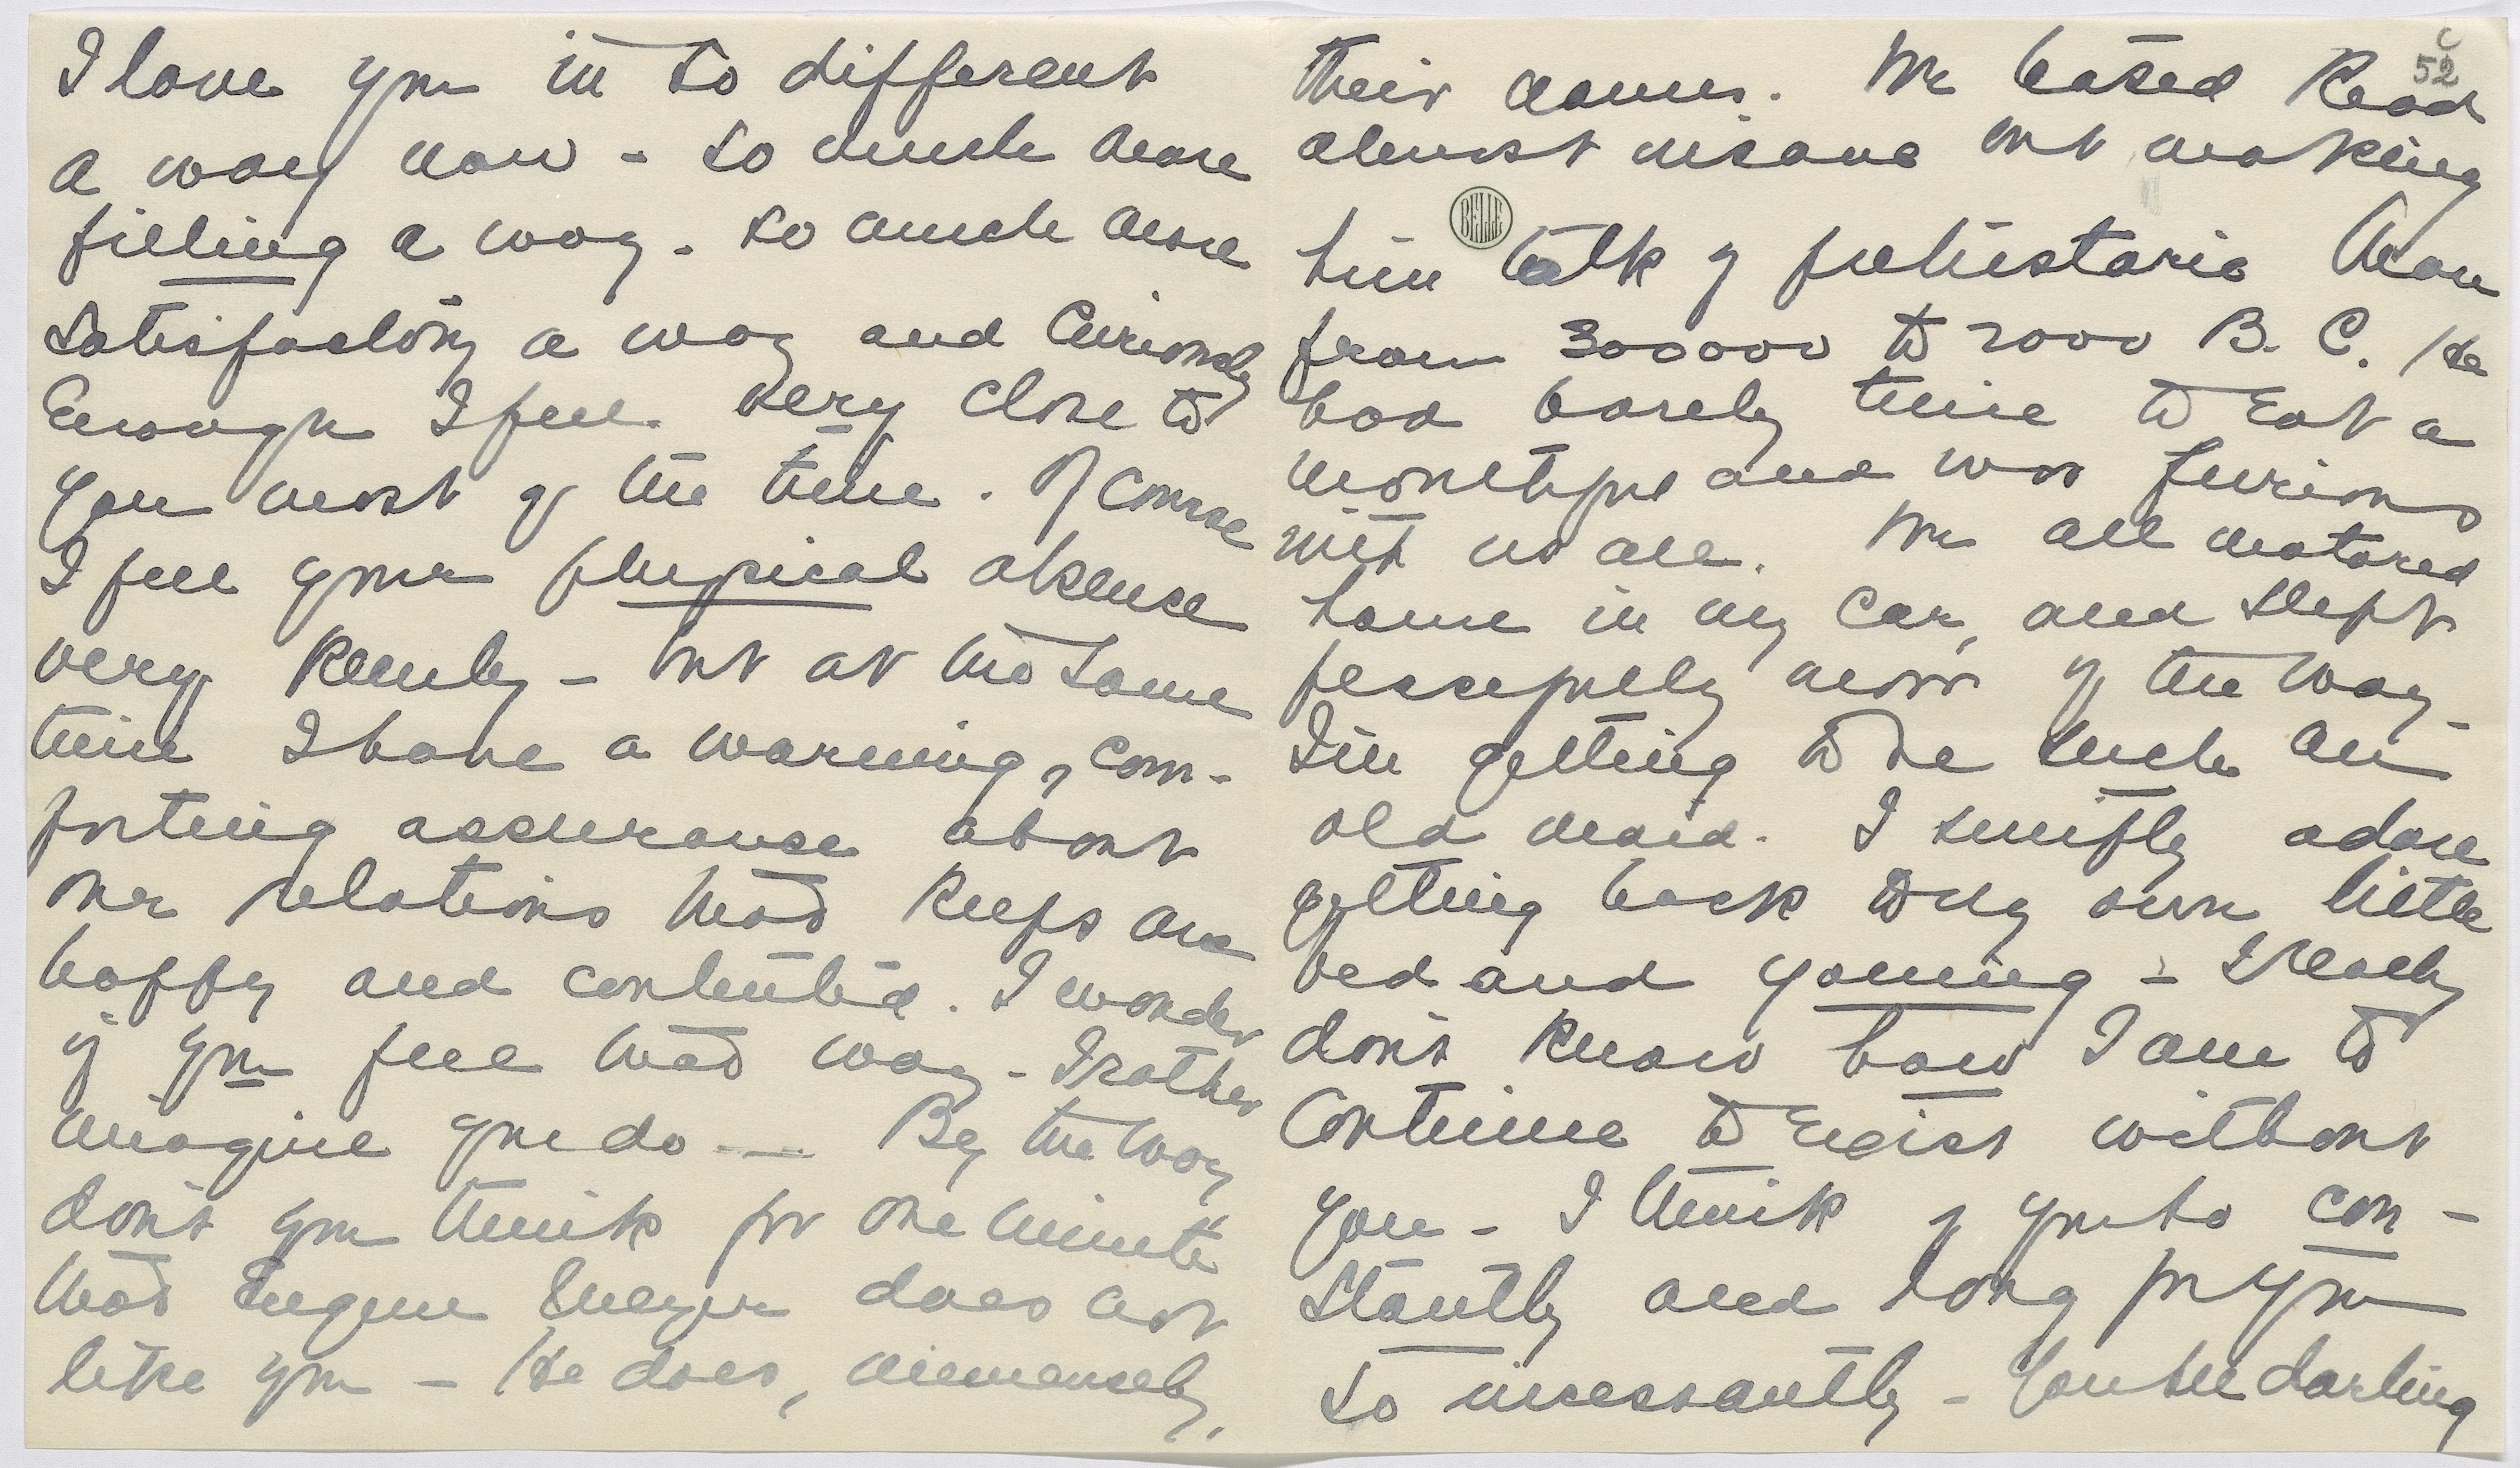their names. We teased Read almost insane but making him talk of prehistoric man from 300000 to 2000 B.C. He had barely time to eat a mouthful and was furious with us all. We all motored home in my car, and slept peacefully most of the way – I’m getting to be such an old maid. I simply adore getting back to my own little bed and yawning – I really don’t know how I am to continue to exist without you – I think of you so constantly and long for you so incessantly – You see darling
I love you in so different a way now – so much more filling a way – so much more satisfactory a way and curiously enough I feel very close to you most of the time. Of course I feel your physical absence very keenly – but at the same time I have a warming, comforting assurance about our relations that keeps me happy and contented. I wonder if you feel that way – I rather imagine you do – By the way don’t you think for one minute that Eugene Meyer does not like you – He does, immensely,